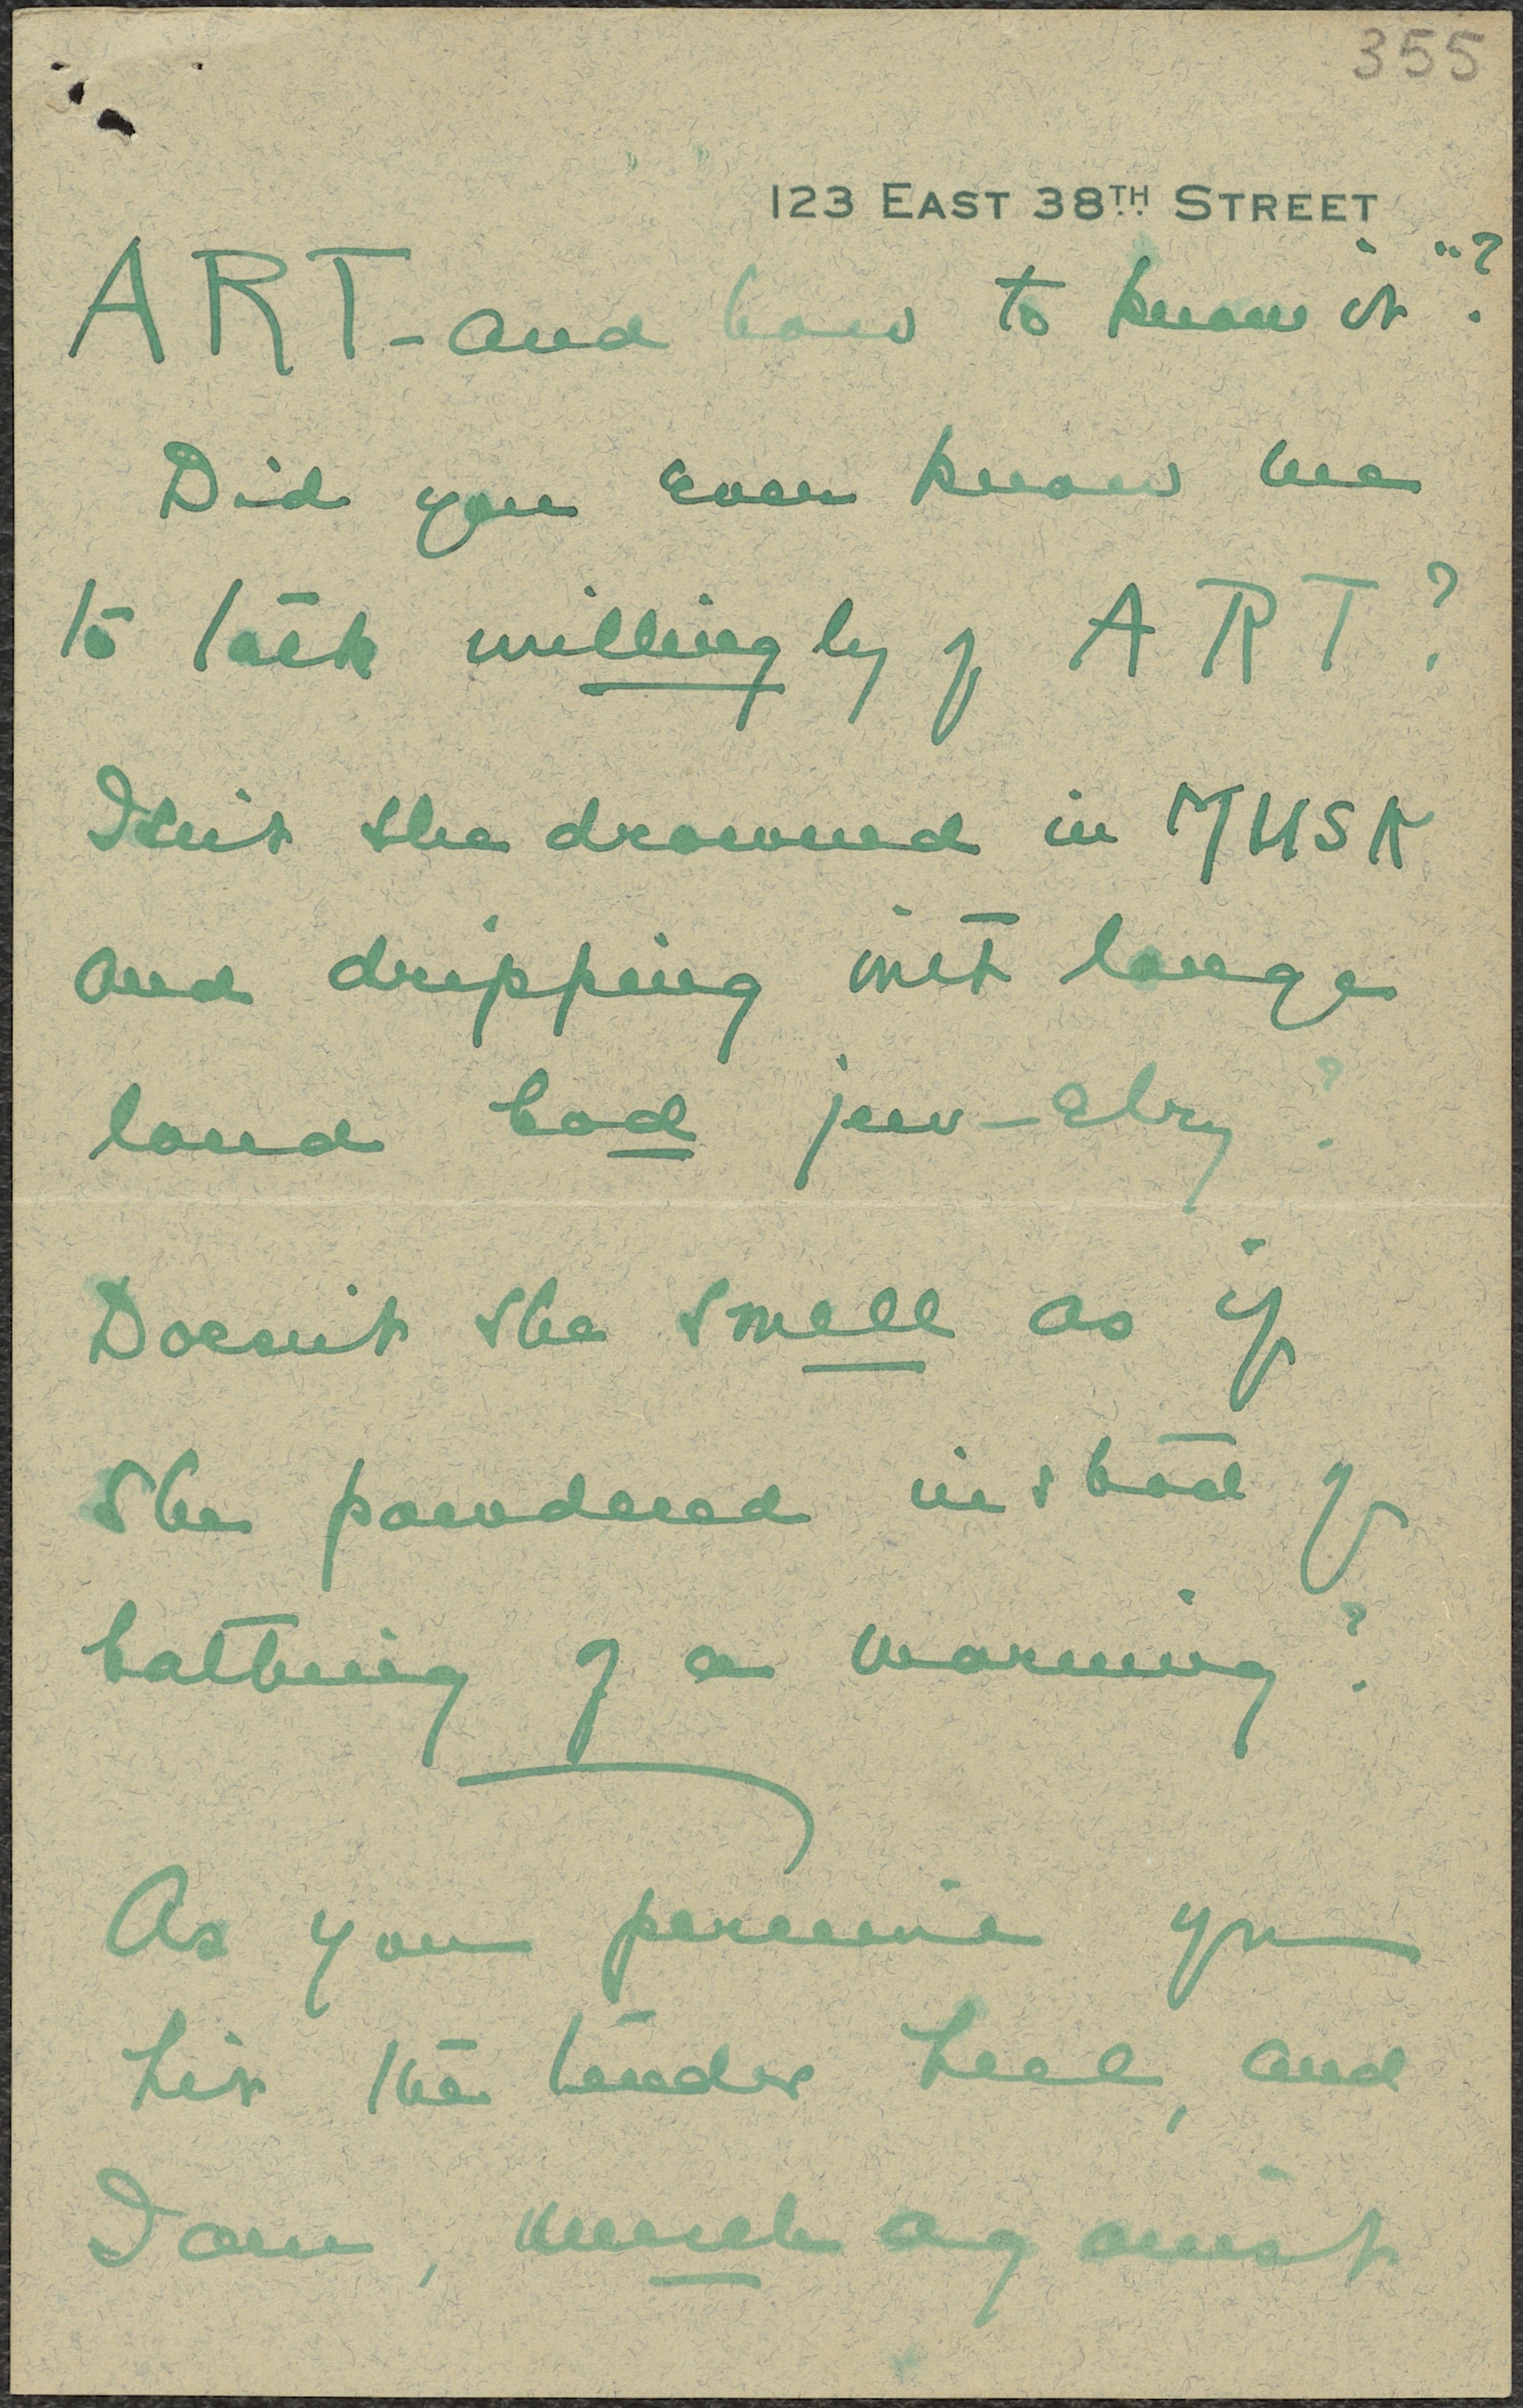ART – and how to know it”?
Did you ever know me to talk willingly of ART?
Isn't she drowned in MUSK and dripping with large loud bad jew-elry? Doesn’t she smell as if she powdered instead of bathing of a morning?
As you perceive you hit the tender heel, and I am, much against